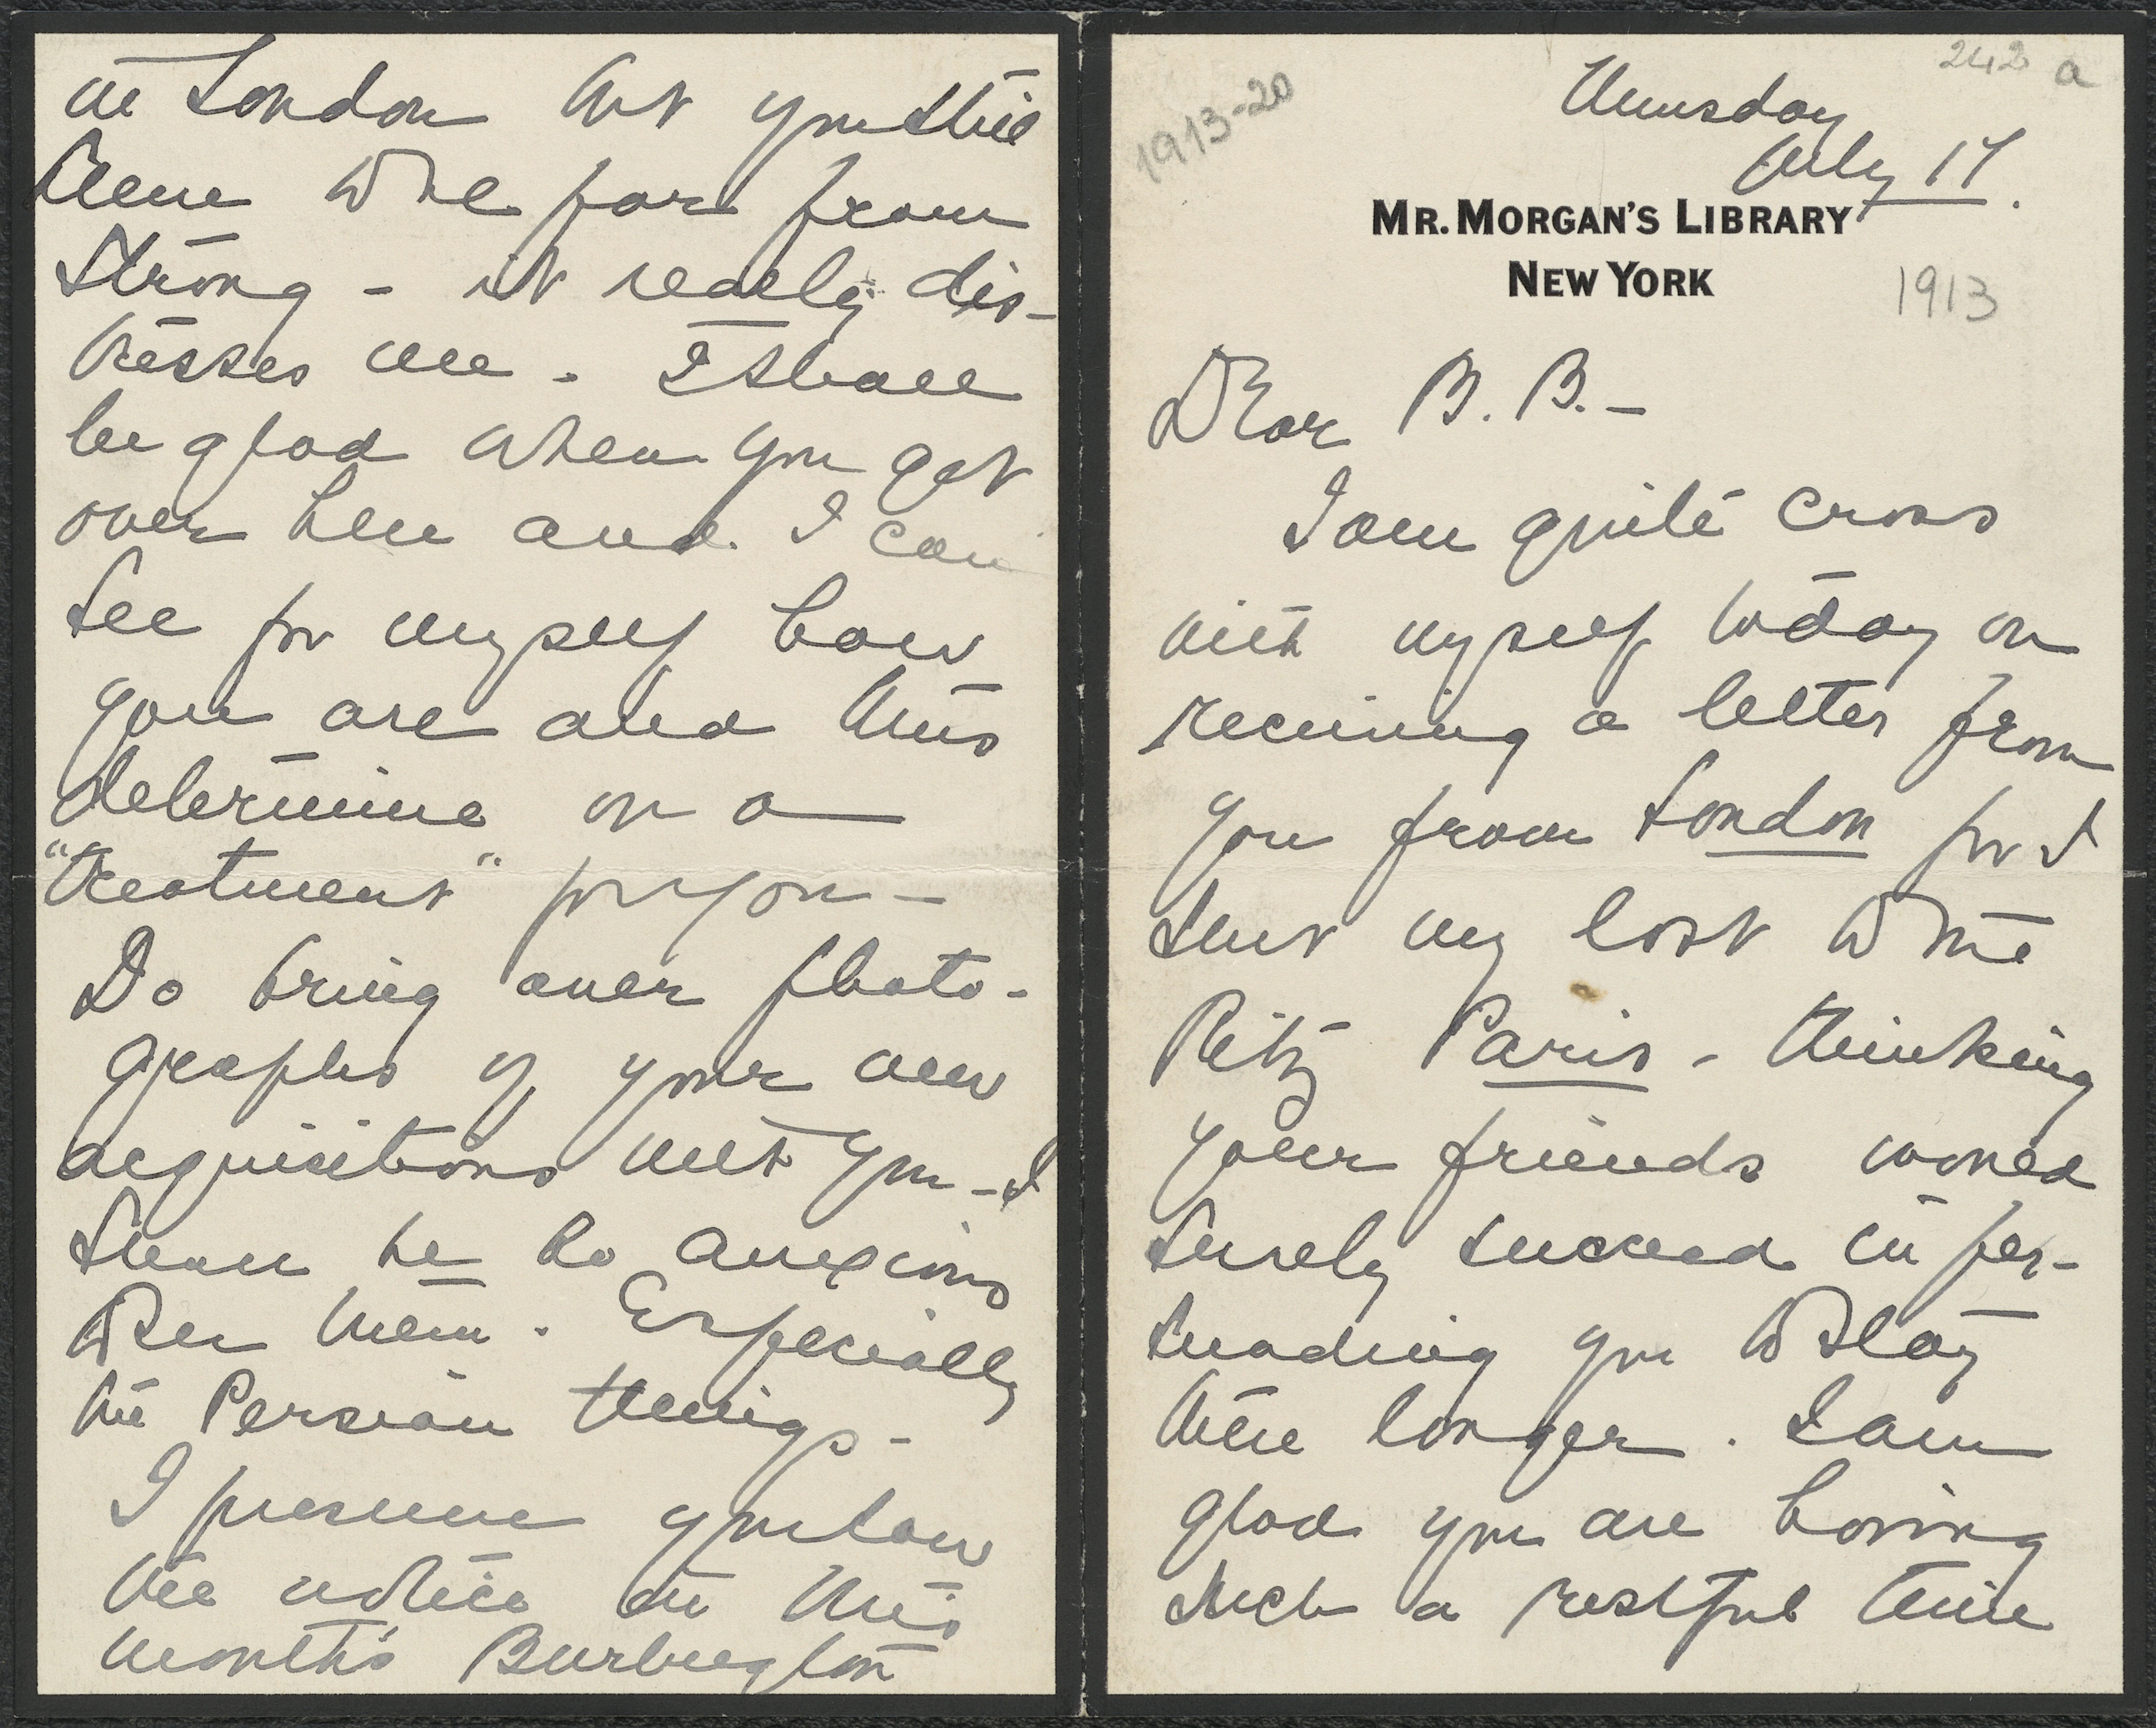Thursday
July 17.
Dear B.B. –
I am quite cross with myself today on receiving a letter from you from London for I sent my last to the Ritz Paris – thinking your friends would surely succeed in persuading you to stay there longer. I am glad you are having such a restful time
in London but you still seem to be far from strong – it really distresses me – I shall be glad when you get over here and I can see for myself how you are and thus determine on a “treatment” for you – Do bring over photographs of your new acquisitions with you – I shall be so anxious to see them. Especially the Persian things –
I presume you saw the notice on this month’s Burlington